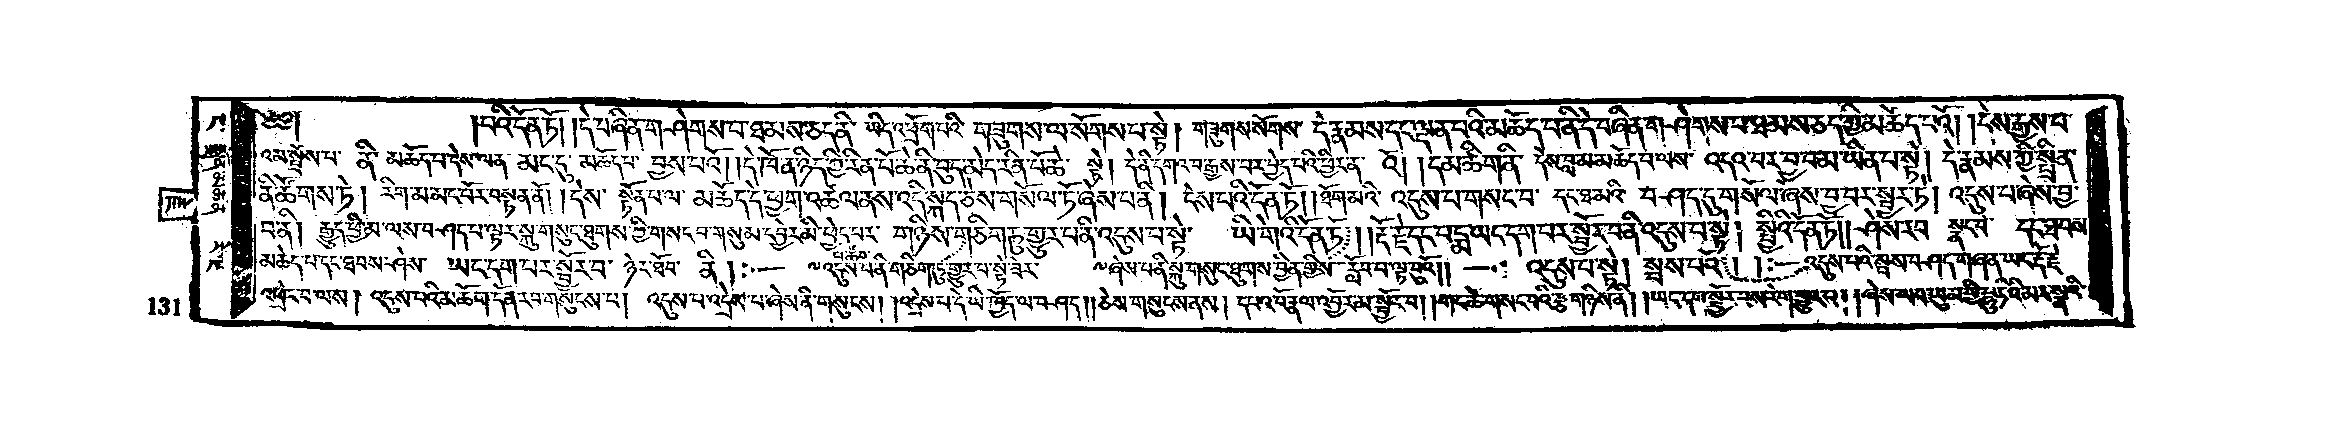༄༅། །པའི་དོན་ཏོ། །དེ་བཞིན་གཤེགས་པ་ཐམས་ཅད་ནི་ཡིད་འཕྲོག་པའི་གཟུགས་ལ་སོགས་པ་སྟེ། གཟུགས་སོགས་དེ་རྣམས་དང་ལྡན་པའི་མཆོད་པ་ནི་དེ་བཞིན་གཤེགས་པ་ཐམས་ཅད་ཀྱི་མཆོད་པའོ། །དེས་རྒྱས་པ་
འམ་སྤྲོས་པ་ནི་མཆོད་པ་དེས་ལན་མང་དུ་མཆོད་པ་བྱས་པའོ། །དེ་ཁོ་ན་ཉིད་ཀྱི་རིན་པོ་ཆེ་ནི་བུད་མེད་རིན་པོ་ཆེ་སྟེ། དེ་ནི་དགའ་བ་རྒྱས་པར་བྱེད་པའི་ཕྱིར་ན་འོ། །དམ་ཚིག་ནི་དེས་བླ་མ་མཆོད་པ་ལས་འདའ་བར་བྱ་བ་མ་ཡིན་པ་སྟེ། དེ་རྣམས་ཀྱི་སྤྲིན་
ནི་ཚོགས་ཏེ། རིག་མ་མང་པོར་བསྟན་ནོ། །དེས་སྟོན་པ་ལ་མཆོད་དེ་ཕྱག་འཚལ་ནས་འདི་སྐད་ཅེས་གསོལ་ཏོ་ཞེས་པ་ནི། ངེས་པའི་དོན་ཏོ། །ཐོག་མའི་འདུས་པ་གསང་བ་དང་ཐ་མའི་བཤད་དུ་གསོལ་ཞེས་བྱ་བར་སྦྱར་ཏེ། འདུས་པ་ཞེས་བྱ་
བ་ནི། རྒྱུད་ཕྱི་མ་ལས་བཤད་པ་ལྟར་སྐུ་གསུང་ཐུགས་ཀྱི་གསང་བ་གསུམ་དབྱེར་མི་ཕྱེད་པར་གཉིས་གཅིག་ཏུ་གྱུར་པ་ནི་འདུས་པ་སྟེ་ཡི་གེའི་དོན་ཏོ། །རྡོ་རྗེ་དང་པདམ་ཡང་དག་པར་སྦྱོར་བ་ནི་འདུས་པ་སྟེ། སྤྱིའི་དོན་ཏོ། །ཤེས་རབ་སྣང་བ་དང་ཐབས་
མཆེད་པ་དང་ཐབས་ཤེས་ཡང་དག་པར་སྦྱོར་བ་ཉེར་ཐོབ་ནི། པ་ཚབ་༧འདུས་པ་ནི་གཅིག་ཏུ་གྱུར་པ་སྟེ་ཟེར་༧ཞེས་པ་ནི་སྐུ་གསུང་ཐུགས་བྱིན་གྱིས་རློབ་པ་ལྟ་བུའོ།། འདུས་པ་སྟེ། སྦས་པའོ། །འདུས་པའི་སྦས་བཤད་གཞན་ཡང་རྡོ་རྗེ་
འཕྲེང་བ་ལས། འདུས་པའི་མཆོག་དོན་རབ་གསུངས་པ། འདུས་པ་འདྲེས་པ་ཞེས་ནི་གསུངས། །འདྲེས་པ་དེ་ཡི་ཁྱོད་ལ་བཤད། །ཅེས་གསུངས་ནས། དཔའ་བོ་རྣལ་འབྱོར་མ་སྦྱོར་བ། །གང་ཚེ་གསང་བའི་རྩ་གཉིས་ནི། །ཡང་དག་སྦྱོར་བས་རེག་གྱུར་པ། །ཞེས་ཡབ་ཡུམ་གྱི་བྷུ་ཏིའི་མར་སྣའི་